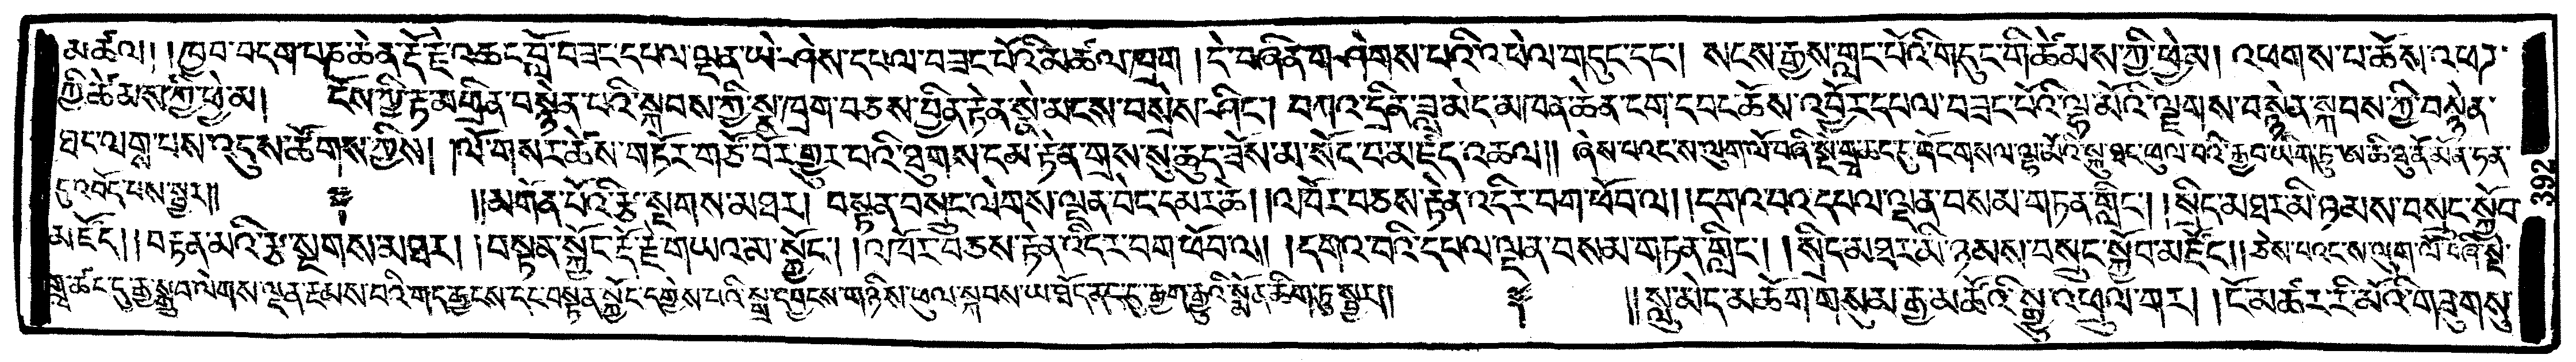མཚལ། །ཁྱབ་བདག་པཎ་ཆེན་རྡོ་རྗེ་འཆང་བློ་བཟང་དཔལ་ལྡན་ཡེ་ཤེས་དཔལ་བཟང་པོའི་མཚལ་ཁྲག །དེ་བཞིན་གཤེགས་པའི་འཕེལ་གདུང་དང་། སངས་རྒྱས་གླང་པོའི་གདུང་གི་ཚེམས་ཀྱི་ཕྱེ་མ། འཕགས་པ་ཆོས་འཕགས་
ཀྱི་ཚེམས་ཀྱི་ཕྱེ་མ། ངོས་ཀྱི་རྟ་མགྲིན་བསྙེན་པའི་སྐབས་ཀྱི་སྣ་ཁྲག་བཅས་བྱིན་རྟེན་སྣེ་མངས་བསྲེས་ཤིང་། བཀའ་དྲིན་ཟླ་མེད་མཁན་ཆེན་ངག་དབང་ཆོས་འབྱོར་དཔལ་བཟང་པོའི་ལྷ་མོའི་ལྗགས་བསྙེན་སྐབས་ཀྱི་བསྙེན་
ཐང་ལགས་པས་འདུས་ཚོགས་ཀྱིས། །ལོ་གསར་ཚེས་གཏོར་གཙོ་བོར་གྱུར་པའི་ཐུགས་དམ་རྟེན་གྲས་སུ་ཆུད་ཟོས་མ་སོང་བ་མཛད་འཆལ། །ཞེས་པའང་ས་ལུག་ལོ་བཞི་སྡེ་གྲྭ་ཚང་དུ་གོང་གསལ་ལྷ་མོའི་སྐུ་ཐང་ཕུལ་བའི་རྒྱབ་ཡིག་ཏུ་ཨ་ཆི་ཐུ་ནོ་མོན་ཧན་
དུ་འབོད་པས་སྦྱར།། ༈ །།མགོན་པོའི་རྩ་སྔགས་མཐར། བསྟན་བསྲུང་ལེགས་ལྡན་བེང་དམར་ཆེ། །འཁོར་བཅས་རྟེན་འདིར་བག་ཕོབ་ལ། །དགའ་བའི་དཔལ་ལྡན་བསམ་གཏན་གླིང་། །སྲིད་མཐར་མི་ཉམས་བསྲུང་སྐྱོབ་
མཛོད། །བརྟན་མའི་རྩ་སྔགས་མཐར། །བསྟན་སྐྱོང་རྡོ་རྗེ་གཡའ་མ་སྐྱོང་། །འཁོར་བཅས་རྟེན་འདིར་བག་ཕོབ་ལ། །དགའ་བའི་དཔལ་ལྡན་བསམ་གཏན་གླིང་། །སྲིད་མཐར་མི་ཉམས་བསྲུང་སྐྱོབ་མཛོད། །ཅེས་པའང་ས་ལུག་ལོ་བཞི་སྡེ་
གྲྭ་ཚང་དུ་རྒྱ་སྒྲུབ་ལེགས་ལྡན་རྔམས་པའི་གད་རྒྱངས་དང་བསྟན་སྐྱོང་དགྱེས་པའི་སྒྲ་དབྱངས་གཉིས་ཕུལ་སྐབས་ཡ་ཐོད་ནང་དུ་རྒྱག་རྒྱུའི་སྨོན་ཚིག་ཏུ་སྦྱར།། ༈ །།སླུ་མེད་མཆོག་གསུམ་རྒྱ་མཚོའི་སྒྱུ་འཕྲུལ་གར། །ངོ་མཚར་རི་མོའི་གཟུགས་སུ་